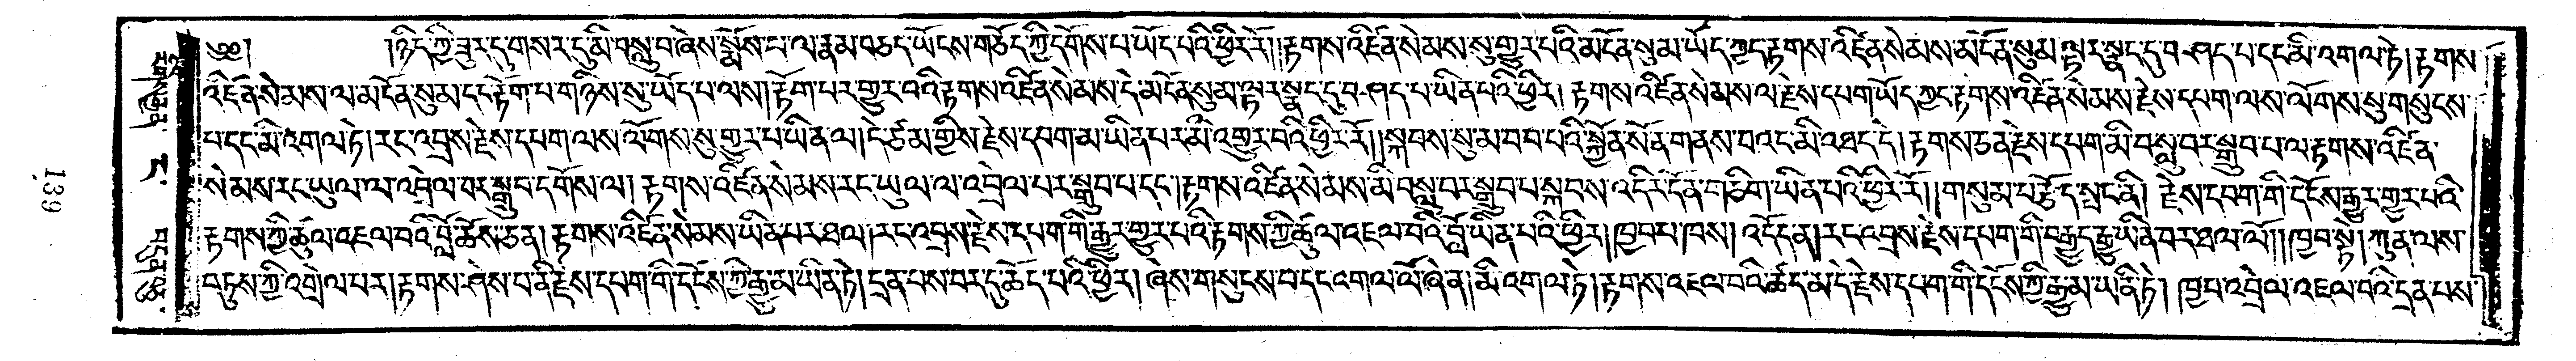༄༅། །ཉིད་ཀྱི་ཟུར་དུ་གསར་དུ་མི་བསླུ་བ་ཞེས་སྨོས་པ་ལ་རྣམ་བཅད་ཡོངས་གཅོད་ཀྱི་དགོས་པ་ཡོད་པའི་ཕྱིར་རོ། །རྟགས་འཛིན་སེམས་སུ་གྱུར་པའི་མངོན་སུམ་ཡོད་ཀྱང་རྟགས་འཛིན་སེམས་མངོན་སུམ་ལྟར་སྣང་དུ་བཤད་པ་དང་མི་འགལ་ཏེ། རྟགས་
འཛིན་སེམས་ལ་མངོན་སུམ་དང་རྟོག་པ་གཉིས་སུ་ཡོད་པ་ལས། རྟོག་པར་གྱུར་བའི་རྟགས་འཛིན་སེམས་དེ་མངོན་སུམ་ལྟར་སྣང་དུ་བཤད་པ་ཡིན་པའི་ཕྱིར། རྟགས་འཛིན་སེམས་ལ་རྗེས་དཔག་ཡོད་ཀྱང་རྟགས་འཛིན་སེམས་རྗེས་དཔག་ལས་ལོགས་སུ་གསུངས་
པ་དང་མི་འགལ་ཏེ། རང་འབྲས་རྗེས་དཔག་ལས་ལོགས་སུ་གྱུར་པ་ཡིན་ལ། དེ་ཙམ་གྱིས་རྗེས་དཔག་མ་ཡིན་པར་མི་འགྱུར་བའི་ཕྱིར་རོ། །སྐབས་སུ་མ་བབ་པའི་སྐྱོན་སོ་ན་གནས་པའང་མི་འཐད་དེ། རྟགས་ཅན་རྗེས་དཔག་མི་བསླུ་བར་སྒྲུབ་པ་ལ་རྟགས་འཛིན་
སེམས་རང་ཡུལ་ལ་འབྲེལ་བར་སྒྲུབ་དགོས་ལ། རྟགས་འཛིན་སེམས་རང་ཡུལ་ལ་འབྲེལ་པར་སྒྲུབ་པ་དང་། རྟགས་འཛིན་སེམས་མི་བསླུ་བར་སྒྲུབ་པ་སྐབས་འདིར་དོན་གཅིག་ཡིན་པའི་ཕྱིར་རོ། །གསུམ་པ་རྩོད་སྤང་ནི། རྗེས་དཔག་གི་དངོས་རྒྱུར་གྱུར་བའི་
རྟགས་ཀྱི་ཚུལ་འཇལ་བའི་བློ་ཆོས་ཅན། རྟགས་འཛིན་སེམས་ཡིན་པར་ཐལ། རང་འབྲས་རྗེས་དཔག་གི་རྒྱུར་གྱུར་པའི་རྟགས་ཀྱི་ཚུལ་འཇལ་བའི་བློ་ཡིན་པའི་ཕྱིར། ཁྱབ་པ་ཁས། འདོད་ན། རང་འབྲས་རྗེས་དཔག་གི་བརྒྱུད་རྒྱུ་ཡིན་པར་ཐལ་ལོ། །ཁྱབ་སྟེ། ཀུན་ལས་
བཏུས་ཀྱི་འགྲེལ་པར། རྟགས་ཤེས་པ་ནི་རྗེས་དཔག་གི་དངོས་ཀྱི་རྒྱུ་མ་ཡིན་ཏེ། དྲན་པས་བར་དུ་ཆོད་པའི་ཕྱིར། ཞེས་གསུངས་པ་དང་འགལ་ལོ་ཞེ་ན། མི་འགལ་ཏེ། རྟགས་འཇལ་བའི་ཚད་མ་དེ་རྗེས་དཔག་གི་དངོས་ཀྱི་རྒྱུ་མ་ཡིན་ཏེ། ཁྱབ་འབྲེལ་འཇལ་བའི་དྲན་པས་